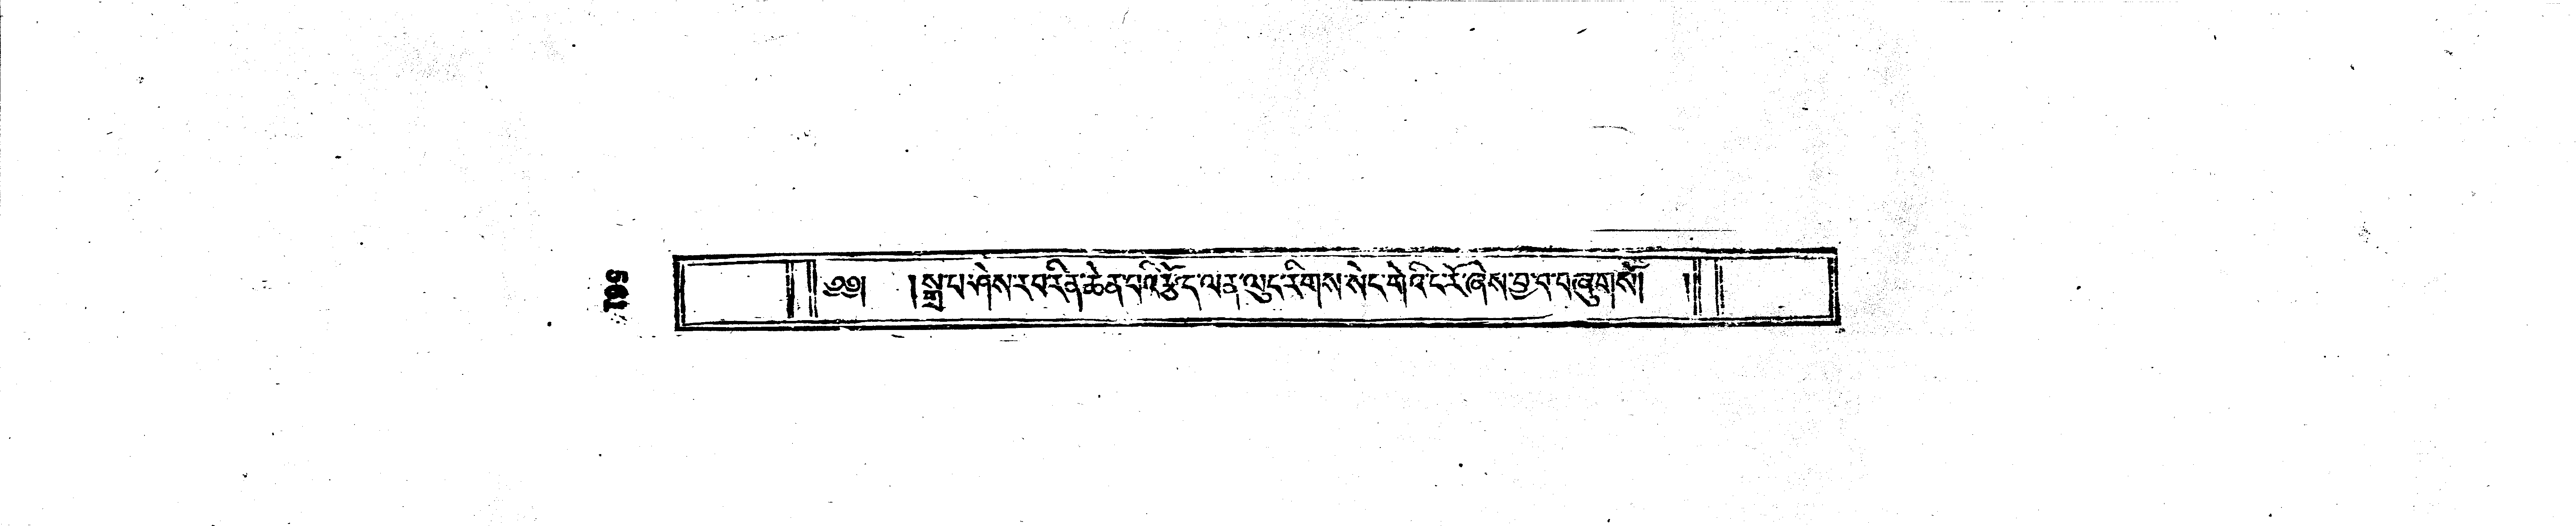༄༅། །སྒྲ་པ་ཤེས་རབ་རིན་ཆེན་པའི་རྩོད་ལན་ལུང་རིགས་སེང་གེའི་ང་རོ་ཞེས་བྱ་བ་བཞུགས། །